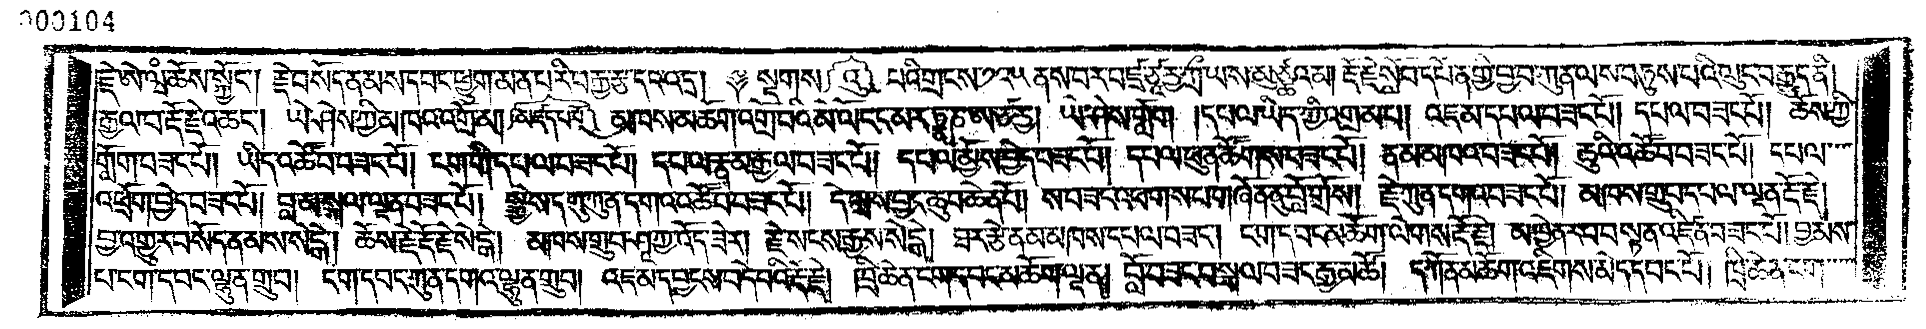རྗེ་ཨེ་ལྭཾ་ཆོས་སྐྱོང་། རྗེ་བསོད་ནམས་དབང་ཕྱུག་མན་པ་རི་བརྒྱ་རྩ་དང་འདྲ། ༈ སྔགས ༼འུ༽ པའི་གྲངས ༡༢༥་ནས་བར་བཛྲ་ཙཱརྱ་ཀྲྀ་ཡས་མུཙྪའམ། རྡོ་རྗེ་སློབ་དཔོན་གྱི་བྱ་བ་ཀུན་ལས་བཏུས་པའི་ལུང་བརྒྱུད་ནི།
རྒྱལ་བ་རྡོ་རྗེ་འཆང་། ཡེ་ཤེས་ཀྱི་མཁའ་འགྲོ་མ། ༼མཛད་པ་པོ༽ མཁས་མཆོག་འགྲོ་བའི་མེ་ལོང་ང་མར་ཏྣ་ཎ་ཨ་ཙ་རྱ། ཡེ་ཤེས་གློག །དཔལ་ཡིད་ཀྱི་འགྲམ་པ། འཇམ་དཔལ་བཟང་པོ། དཔལ་བཟང་པོ། ཆོས་ཀྱི་
གློག་བཟང་པོ། ཡིད་འཚོ་བ་བཟང་པོ། ངག་གི་དཔལ་བཟང་པོ། དཔལ་རྣམ་རྒྱལ་བཟང་པོ། དཔལ་མྱོས་བྱེད་བཟང་པོ། དཔལ་ཕུན་ཚོགས་བཟང་པོ། ནམ་མཁའ་བཟང་པོ། ཆུའི་འཚོ་བ་བཟང་པོ། དཔལ་
འཕྲོག་བྱེད་བཟང་པོ། བླ་མ་སྐལ་ལྡན་བཟང་པོ། སྐྱེས་དགུ་ཀུན་དགའ་འཚོ་བ་བཟང་པོ། དེ་སྲས་བྱང་ཆུབ་ཆེན་པོ། ས་བཟང་འཕགས་པ་གཞོན་ནུ་བློ་གྲོས། རྗེ་ཀུན་དགའ་བཟང་པོ། མཁས་གྲུབ་དཔལ་ལྡན་རྡོ་རྗེ།
བྱ་འགྱུར་བསོད་ནམས་སེངྒེ། ཆོས་རྗེ་རྡོ་རྗེ་སེངྒེ། མཁས་གྲུབ་ཤཱཀྱ་འོད་ཟེར། རྗེ་སངས་རྒྱས་སེངྒེ། ཐར་རྩེ་ནམ་མཁས་དཔལ་བཟང་། ངག་དབང་མཆོག་ལེགས་རྡོ་རྗེ། མཁྱེན་རབ་བསྟན་འཛིན་བཟང་པོ། བྱམས་
པ་ངག་དབང་ལྷུན་གྲུབ། ངག་དབང་ཀུན་དགའ་ལྷུན་གྲུབ། འཇམ་དབྱངས་བདེ་བའི་རྡོ་རྗེ། ཁྲི་ཆེན་ངག་དབང་མཆོག་ལྡན། བློ་བཟང་བསྐལ་བཟང་རྒྱ་མཚོ། དཀོན་མཆོག་འཇིགས་མེད་དབང་པོ། ཁྲི་ཆེན་ངག་